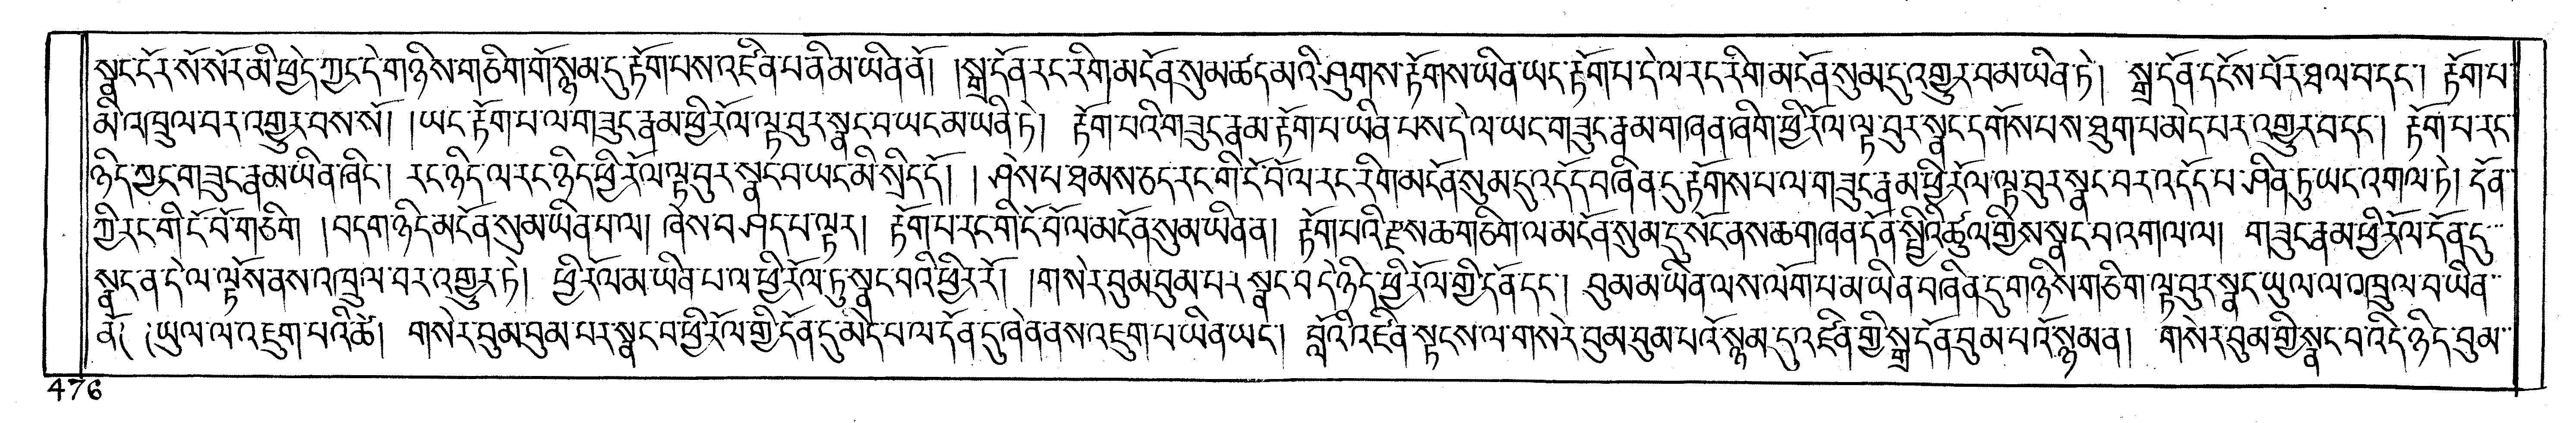སྣང་ངོར་སོ་སོར་མི་ཕྱེད་ཀྱང་དེ་གཉིས་གཅིག་གོ་སྙམ་དུ་རྟོག་པས་འཛིན་པ་ནི་མ་ཡིན་ནོ། །སྒྲ་དོན་རང་རིག་མངོན་སུམ་ཚད་མའི་ཤུགས་རྟོགས་ཡིན་ཡང་རྟོག་པ་དེ་ལ་རང་རིག་མངོན་སུམ་དུ་འགྱུར་བ་མ་ཡིན་ཏེ། སྒྲ་དོན་དངོས་པོར་ཐལ་བ་དང་། རྟོག་པ་
མ་འཁྲུལ་བར་འགྱུར་བས་སོ། །ཡང་རྟོག་པ་ལ་གཟུང་རྣམ་ཕྱི་རོལ་ལྟ་བུར་སྣང་བ་ཡང་མ་ཡིན་ཏེ། རྟོག་པའི་གཟུང་རྣམ་རྟོག་པ་ཡིན་པས་དེ་ལ་ཡང་གཟུང་རྣམ་གཞན་ཞིག་ཕྱི་རོལ་ལྟ་བུར་སྣང་དགོས་བས་ཐུག་པ་མེད་པར་འགྱུར་པ་དང་། རྟོག་པ་རང་
ཉིད་ཀྱང་གཟུང་རྣམ་ཡིན་ཞིང་། རང་ཉིད་ལ་རང་ཉིད་ཕྱི་རོལ་ལྟ་བུར་སྣང་བ་ཡང་མི་སྲིད་དོ། །ཤེས་པ་ཐམས་ཅད་རང་གི་ངོ་བོ་ལ་རང་རིག་མངོན་སུམ་དུ་འདོད་བཞིན་དུ་རྟོགས་པ་ལ་གཟུང་རྣམ་ཕྱི་རོལ་ལྟ་བུར་སྣང་བར་འདོད་པ་ཤིན་ཏུ་ཡང་འགལ་ཏེ། དོན་
གྱི་རང་གི་ངོ་བོ་གཅིག །བདག་ཉིད་མངོན་སུམ་ཡིན་པ་ལ། ཞེས་བཤད་པ་ལྟར། རྟོག་པ་རང་གི་ངོ་བོ་ལ་མངོན་སུམ་ཡིན་ན། རྟོག་པའི་རྫས་ཆ་གཅིག་ལ་མངོན་སུམ་དུ་སོང་ནས་ཆ་གཞན་དོན་སྤྱིའི་ཚུལ་གྱིས་སྣང་བ་འགལ་ལ། གཟུང་རྣམ་ཕྱི་རོལ་དོན་དུ་
སྣང་ན་དེ་ལ་ལྟོས་ནས་འཁྲུལ་བར་འགྱུར་ཏེ། ཕྱི་རོལ་མ་ཡིན་པ་ལ་ཕྱི་རོལ་ཏུ་སྣང་བའི་ཕྱིར་རོ། །གསེར་བུམ་བུམ་པར་སྣང་བ་དེ་ཉིད་ཕྱི་རོལ་གྱི་དོན་དང་། བུམ་མ་ཡིན་ལས་ལོག་པ་མ་ཡིན་བཞིན་དུ་གཉིས་གཅིག་ལྟ་བུར་སྣང་ཡུལ་ལ་འཁྲུལ་བ་ཡིན་
ནོ༑ ༑ཡུལ་ལ་འཇུག་པའི་ཚེ། གསེར་བུམ་བུམ་པར་སྣང་བ་ཕྱི་རོལ་གྱི་དོན་དུ་མེད་པ་ལ་དོན་དུ་ཞེན་ནས་འཇུག་པ་ཡིན་ཡང་། བློའི་འཛིན་སྟངས་ལ་གསེར་བུམ་བུམ་པའོ་སྙམ་དུ་འཛིན་གྱི་སྒྲ་དོན་བུམ་པའོ་སྙམ་ན། གསེར་བུམ་གྱི་སྣང་བ་འདི་ཉིད་བུམ་